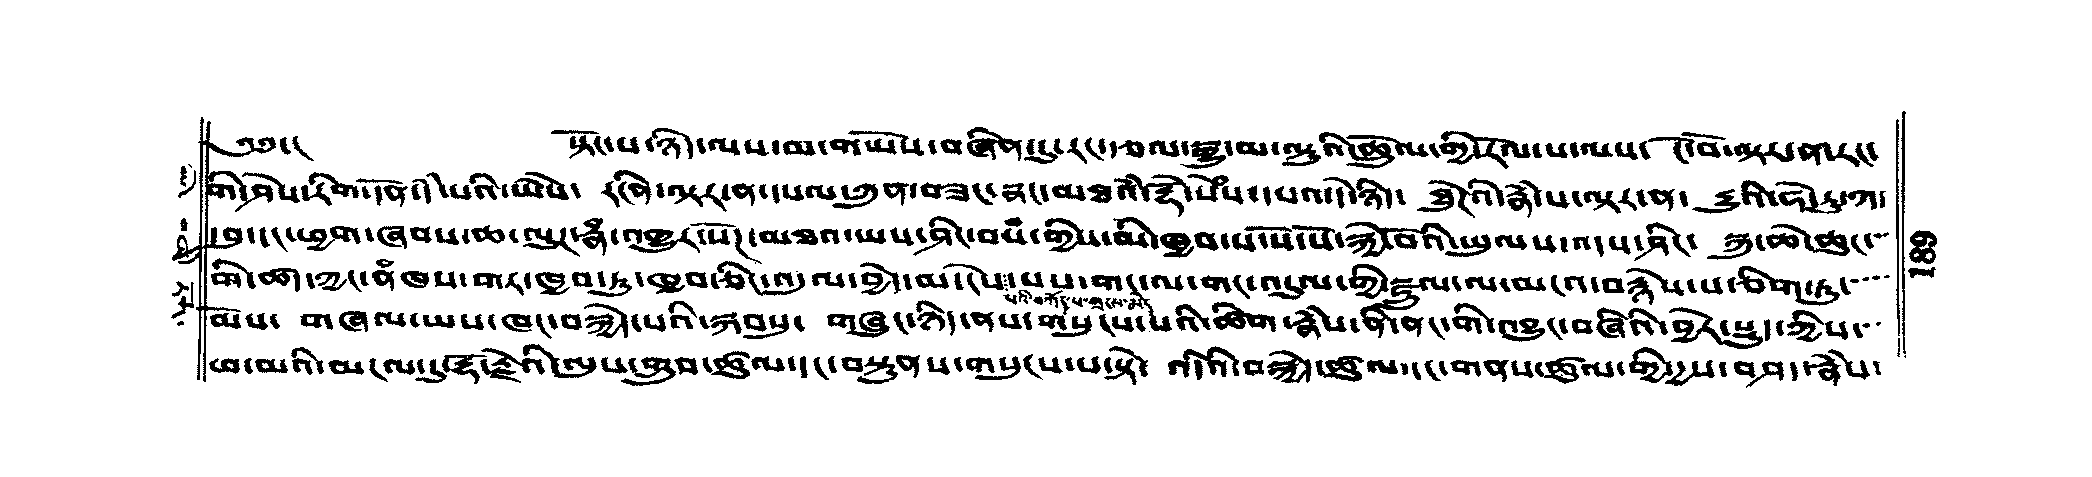སྟོང་པ་ཉིད་ལས་མ་གཡོས་བཞིན་དུ་རང་རྩལ་སྒྱུ་མ་ལྟ་བུའི་ཆོ་འཕྲུལ་གྱི་རོལ་པ་ལས། ངོ་བོ་ལྟར་ན་རང་
གི་ཤེས་རིག་རིག་དོན་དམ་པའི་ཡེ་ཤེས། རང་བཞིན་ལྟར་ན་དཔལ་ཀུན་བཟང་སྣང་མཐའམ་རྡོ་རྗེ་སེམས་དཔའ་དེ་ཉིད། ཐུགས་རྗེའི་རྣམས་པ་ལྟར་ན། རྒྱུའི་ཧེ་རུ་ཀ་
དབུ་དང་ཕྱག་ཞབས་ཆ་ལུགས་རྣམ་འགྱུར་སོགས་མཐའ་ཡུས་ཤིང་བསམ་གྱིས་མི་ཁྱབ་པ་སོ་སོ་སྐྱེ་བོའི་ཡུལ་ལས་འདས་ཤིང་། སྐུ་ཆེ་ཆུང་
གི་ཚད་ཀྱང་ནམ་མཁས་གར་ཁྱབ་རུ་ཁྱབ་ཅིང་འདུལ་བྱེད་མ་ངེས་པའི་བདཀོ་པ་གྲངས་མེད་པས་གང་ལ་གང་འདུལ་གྱི་རྫུ་འཕྲུལ་ལ་མངའ་བརྙེས་པ་ཅིག་ཏུ་
མོས། གཞལ་ཡས་ཁང་བསྐྱེད་པའི་སྐབས་སུ། གཞུང་ཉིད་ནས་གསུངས་པའི་ཚིག་རྣམས་ནི་ནང་གི་འབྱུང་བཞིའི་བྱོར་སྡུད་ཀྱིས་
ཕ་མའི་མངལ་དུ་རྡོ་རྗེའི་ལུས་གྲུབ་ཚུལ་དང་བསྟུན་ནས་གསུངས་པ་སྟེ། འདིའི་བསྐྱེད་ཚུལ་དང་གནས་ཚུལ་གྱི་རྒྱས་བཤད་རྣམས་